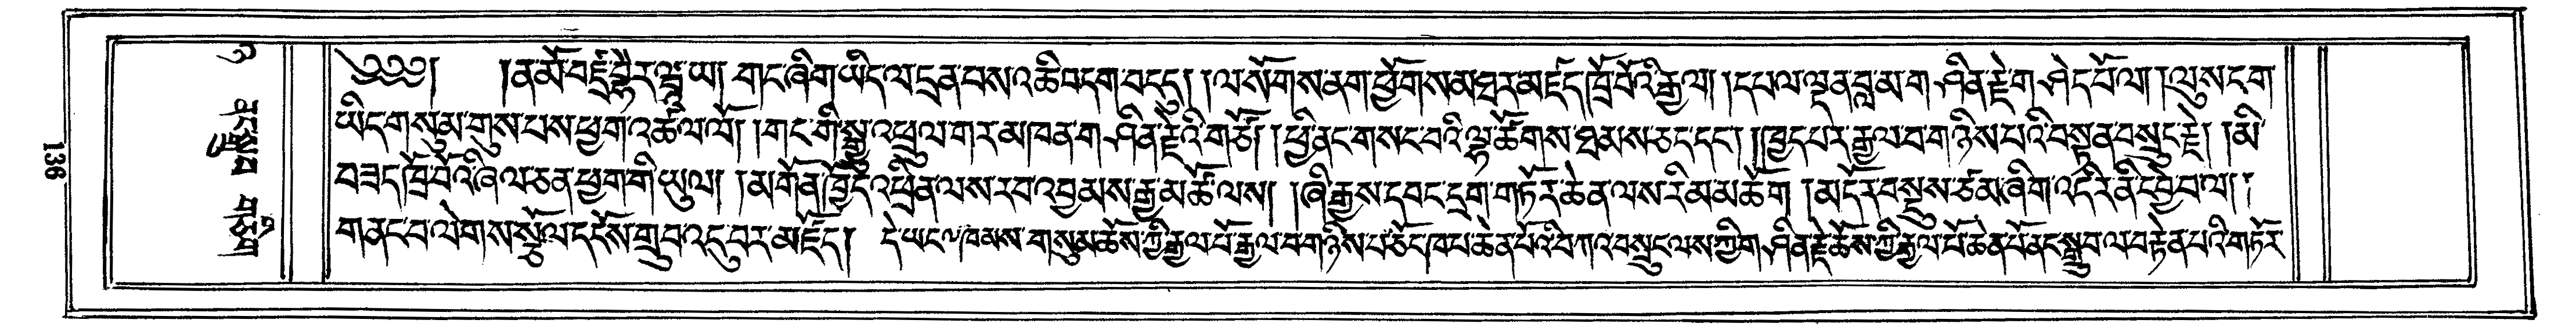༄༅༅། །ན་མོ་བཛྲ་བྷཻ་ར་ཝཱ་ཡ། གང་ཞིག་ཡིད་ལ་དྲན་པས་འཆི་བདག་བདུད། །ལ་སོགས་ནག་ཕྱོགས་མཐར་མཛད་ཁྲོ་བོའི་རྒྱལ། །དཔལ་ལྡན་བླ་མ་གཤིན་རྗེ་གཤེད་པོ་ལ། །ལུས་ངག་
ཡིད་གསུམ་གུས་པས་ཕྱག་འཚལ་ལོ། །གང་གི་སྒྱུ་འཕྲུལ་གར་མཁན་གཤིན་རྗེའི་གཙོ། །ཕྱི་ནང་གསང་བའི་ལྷ་ཚོགས་ཐམས་ཅད་དང་། །ཁྱད་པར་རྒྱལ་བ་གཉིས་པའི་བསྟན་བསྲུང་རྗེ། །མི་
བཟད་ཁྲོ་བོའི་ཞལ་ཅན་ཕྱག་གི་ཡུལ། །མགོན་ཁྱོད་འཕྲིན་ལས་རབ་འབྱམས་རྒྱ་མཚོ་ལས། །ཞི་རྒྱས་དབང་དྲག་གཏོར་ཆེན་ལས་རིམ་མཆོག །མདོར་བསྡུས་ཙམ་ཞིག་འདིར་ནི་དབྱེ་བ་ལ།།
གནང་བ་ལེགས་སྩོལ་དངོས་གྲུབ་འདུ་བར་མཛོད། དེ་ཡང ༧ཁམས་གསུམ་ཆོས་ཀྱི་རྒྱལ་པོ་རྒྱལ་བ་གཉིས་པ་ཙོང་ཁ་པ་ཆེན་པོའི་བཀའ་བསྲུང་ལས་ཀྱི་གཤིན་རྗེ་ཆོས་ཀྱི་རྒྱལ་པོ་ཆེན་པོ་ནང་.སྒྲུབ་ལ་བརྟེན་པའི་གཏོར་